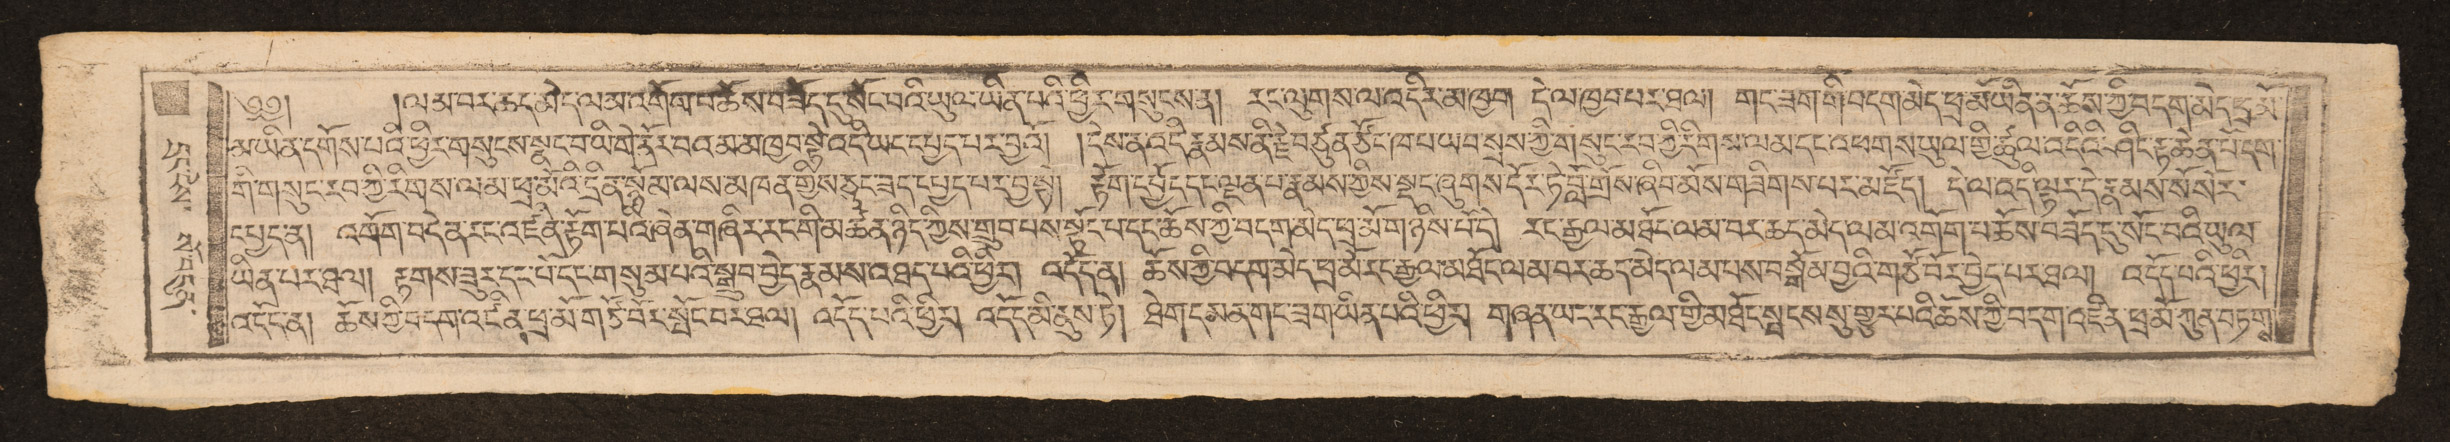༄༅། །ལམ་བར་ཆད་མེད་ལམ་འགོག་པ་ཆོས་བཟོད་དུ་སོང་བའི་ཡུལ་ཡིན་པའི་ཕྱིར་གསུངས་ན། རང་ལུགས་ལ་འདིར་མ་ཁྱབ། དེ་ལ་ཁྱབ་པར་ཐལ། གང་ཟག་གི་བདག་མེད་ཕྲ་མོ་ཡིན་ན་ཆོས་ཀྱི་བདག་མེད་ཕྲ་མོ་
མ་ཡིན་དགོས་པའི་ཕྱིར་གསུངས་སྣང་བ་ཡི་གེ་ནོར་བའམ་མ་ཁྱབ་སྟེ་འདི་ཡང་དཔྱད་པར་བྱའོ། །དེས་ན་འདི་རྣམས་ནི་རྗེ་བཙུན་ཙོང་ཁ་པ་ཡབ་སྲས་ཀྱི་གསུང་རབ་ཀྱི་རིགས་ལམ་དང་འཕགས་ཡུལ་གྱི་ཚུལ་འདིའི་ཤིང་རྟ་ཆེན་པོ་དག་
གི་གསུང་རབ་ཀྱི་རིགས་ལམ་ཕྲ་མོའི་དྲིན་སྙོམ་ལས་མཁན་གྱིས་ཅུང་ཟད་དཔྱད་པར་བྱ་སྟེ། རྟོག་དཔྱོད་དང་ལྡན་པ་རྣམས་ཀྱིས་སྡང་ཞུགས་དོར་ཏེ་བློ་གྲོས་ཞིབ་མོས་གཟིགས་པར་མཛོད། དེ་ལ་འདི་ལྟར་དེ་རྣམས་སོ་སོར་
དཔྱད་ན། འགོག་བདེན་རང་འཛིན་རྟོག་པའི་ཞེན་གཞིར་རང་གི་མཚན་ཉིད་ཀྱིས་གྲུབ་པས་སྟོང་པ་དང་ཆོས་ཀྱི་བདག་མེད་ཕྲ་མོ་གཉིས་པོ་དེ། རང་རྒྱལ་མཐོང་ལམ་བར་ཆད་མེད་ལམ་འགོག་པ་ཆོས་བཟོད་དུ་སོང་བའི་ཡུལ་
ཡིན་པར་ཐལ། རྟགས་ཟུར་དང་པོ་དང་གསུམ་པའི་སྒྲུབ་བྱེད་རྣམས་འཐད་པའི་ཕྱིར། འདོད་ན། ཆོས་ཀྱི་བདག་མེད་ཕྲ་མོ་རང་རྒྱལ་མཐོང་ལམ་བར་ཆད་མེད་ལམ་པས་བསྒོམ་བྱའི་གཙོ་བོར་བྱེད་པར་ཐལ། འདོད་པའི་ཕྱིར།
འདོད་ན། ཆོས་ཀྱི་བདག་འཛིན་ཕྲ་མོ་གཙོ་བོར་སྤོང་པར་ཐལ། འདོད་པའི་ཕྱིར། འདོད་མི་ནུས་ཏེ། ཐེག་དམན་གང་ཟག་ཡིན་པའི་ཕྱིར། གཞན་ཡང་རང་རྒྱལ་གྱི་མཐོང་སྤངས་སུ་གྱུར་པའི་ཆོས་ཀྱི་བདག་འཛིན་ཕྲ་མོ་ཀུན་བཏགས་